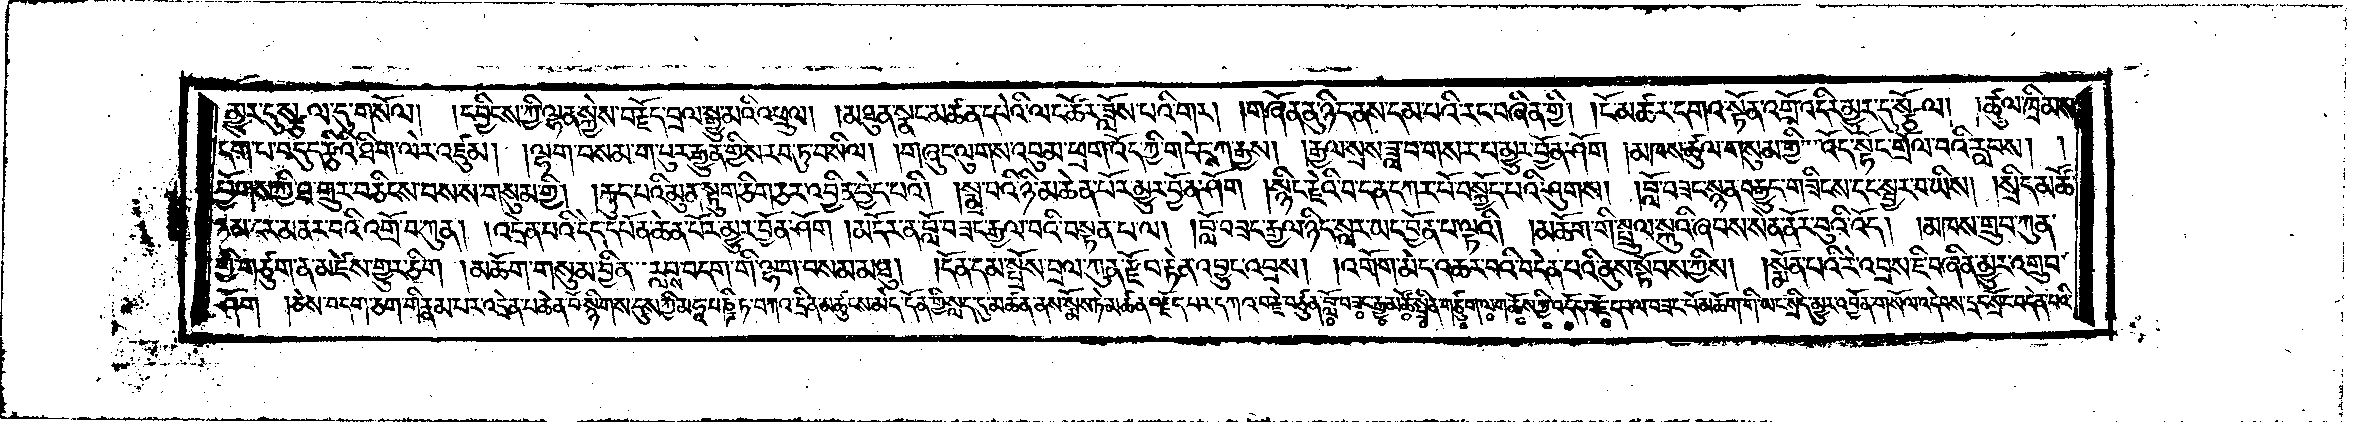མྱུར་དུ་སྩལ་དུ་གསོལ། །དབྱིངས་ཀྱི་ལྷན་སྐྱེས་བརྗོད་བྲལ་སྒྱུ་མའི་འཕྲུལ། །མཐུན་སྣང་མཚན་དཔེའི་ལང་ཚོར་ཟློས་པའི་གར། །གཞོན་ནུ་ཉིད་ནས་དམ་པའི་རང་བཞིན་གྱི། །ངོ་མཚར་དགའ་སྟོན་འགྲོ་འདིར་མྱུར་དུ་སྩོལ། །ཚུལ་ཁྲིམས་
དག་པ་འདུད་རྩིའི་ཐིག་ལེར་འཛུམ། །ལྷག་བསམ་ག་པུར་རྒྱུན་གྱིས་རབ་ཏུ་བསིལ། །གཞུང་ལུགས་འབུམ་ཕྲག་འོད་ཀྱི་གདེངས་ཀ་རྒྱས། །རྒྱལ་སྲས་ཟླ་བ་གསར་བ་མྱུར་བྱོན་ཤོག །མཁས་ཚུལ་གསུམ་གྱིས་འོད་སྟོང་གྲོལ་བའི་རླབས། །
ཕྱོགས་ཀྱི་ཐ་གྲུར་བཅིངས་པས་ས་གསུམ་གྱི། །རྒུད་པའི་མུན་སྟུག་ཅིག་ཅར་འབྱིན་བྱེད་པའི། །སྨྲ་བའི་ཉི་མ་ཆེན་པོར་མྱུར་བྱོན་ཤོག །སྙིང་རྗེའི་བ་དན་དཀར་པོ་བསྐྱོད་པའི་ཤུགས། །བློ་བཟང་སྙན་བརྒྱུད་གཟིངས་དང་སྦྱར་བ་ཡིས། །སྲིད་མཚོ་
ཉམ་ངར་མནར་བའི་འགྲོ་བ་ཀུན། །འདྲེན་པའི་དེད་དཔོན་ཆེན་པོར་མྱུར་བྱོན་ཤོག །མདོར་ན་བློ་བཟང་རྒྱལ་བའི་བསྟན་པ་ལ། །བློ་བཟང་རྒྱལ་ཉིད་སླར་ཡང་བྱོན་པ་ལྟའི། །མཆོག་གི་སྤྲུལ་སྐུའི་ཞབས་སེན་ནོར་བུའི་འོད། །མཁས་གྲུབ་ཀུན་
གྱི་གཙུག་ན་མཛེས་གྱུར་ཅིག །མཆོག་གསུམ་བྱིན་རླབས་བདག་གི་ལྷག་བསམ་མཐུ། །དོན་དམ་སྤྲོས་བྲལ་ཀུན་རྫོབ་རྟེན་འབྱུང་འབྲས། །འགོག་མེད་འཆར་བའི་བདེན་པའི་ནུས་སྟོབས་ཀྱིས། །སྨོན་པའི་རེ་འབྲས་ཇི་བཞིན་མྱུར་འགྲུབ་
ཤོག །ཅེས་བདག་ཅག་གི་རྣམ་པར་འདྲེན་པ་ཆེན་པོ་སྙིགས་དུས་ཀྱི་མཧཱ་པཎྜི་ཏ་བཀའ་དྲིན་མཚུངས་མེད་དོན་གྱི་སླད་དུ་མཚན་ནས་སྨོས་ཏེ་མཚན་བརྗོད་པར་དཀའ་བརྗེ་བཙུན་བློ྾་བཟང྾་རྒྱ྾་མཚོ྾་སྤྲིན྾་གཙུག྾་ལག྾་ཆོས྾་ཀྱི྾་འདོད྾་འཇོ྾་དཔལ་བཟང་པོ་མཆོག་གི་ཡང་སྲིད་མྱུར་འབྱོན་གསོལ་འདེབས་དྲང་སྲོང་བདེན་པའི་